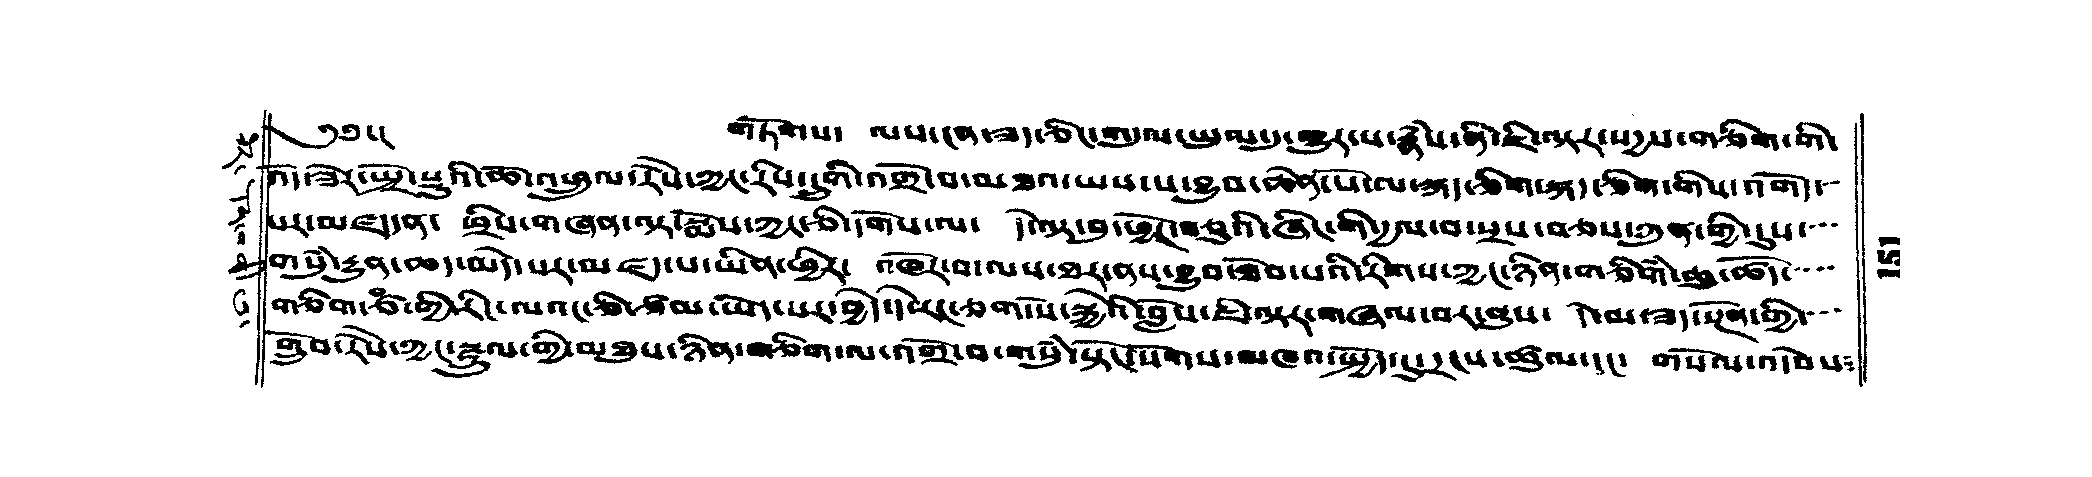གཏོགས། ལསཔངནཔཟདཔཅིངཔགདུལཔཡུལཔདུཔགྱུརཔ་པརྣམསཔནིཔཇིཔལྟརཔསངསཔརྒྱསཔགཅིགཔགི
པའོདཔཟེརཔསྤྲོཔསྡུའིཔཆོཔའཕྲུལཔརེཔརེཔཀྱངཔརིགསཔདྲུགཔགིཔའགྲོཔབཔམཐའཔཡསཔ་པབྱངཔཆུབཔཆེནཔ་ོཔལཔསྐདཔཅིགཔསྐདཔཅིགཔགིསཔའགོད
པ་རཔམཛདཔན། ཕྲིནཔལསཔགཞནཔལྟཔསྨོསཔཀྱངཔཅིཔདགོསཔལ། དེཔལྟཔབུཔཕྱོགསཔབཅུའིཔཞིངཔགིཔརྒྱལཔབཔསྲསཔབཅསཔཀུནཔགྱིསཔདུསཔ
གསུམཔརྒྱུནཔཆདཔམེདཔ་རཔམཛདཔ་པཡིནཔཕྱིར།འཁོརཔབཔལསཔཐརཔནསཔབྱངཔཆུབཔཐོབཔ་འིཔརིགསཔཀྱངཔཉིནཔགཅིགཔགམཔཆུཔཚོདཔ
གཅིགཔཙམཔགྱིཔརིངཔལའངཔཅིཔཙམཔཡོདཔ་པབྱེདཔདེཔརངཔཅགཔསོཔེའིཔབློསཔཇིཔལྟརཔགཞལཔབརཔནུས། དེཔམཔཟདཔསྔོནཔགྱིཔ
གྲུབཔཐོབཔརེཔརེསཔཀྱངཔརྫུཔའཕྲུལཔགྱིཔམཐུསཔཉིནཔགཅིགཔལཔའགྲོཔབཔསུམཔསྟོངཔསོགསཔམཁའཔསྤྱོདཔདུཔདྲངསཔཚུལཔདངཔ། གསོལཔའདེབསཔ